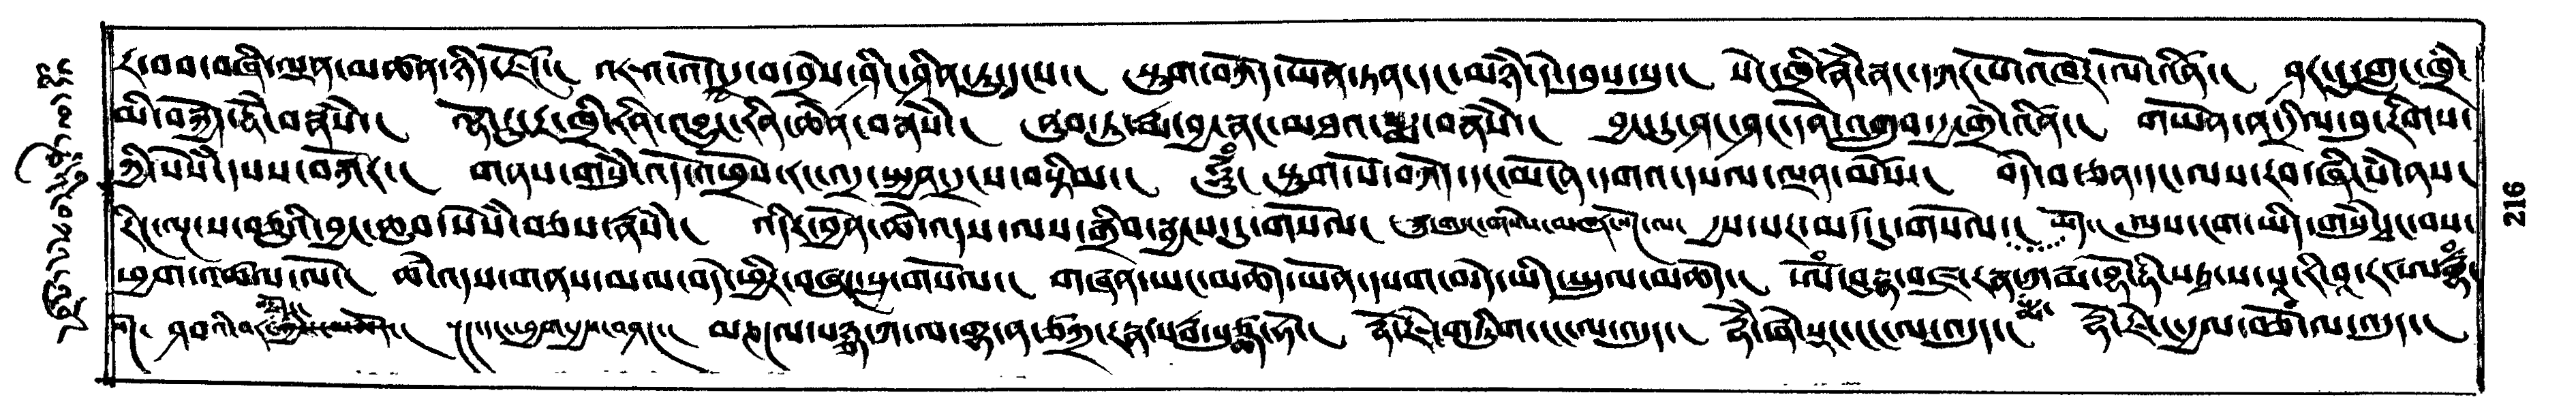རྔ་བབ་བཞི་ལྡན་མཚན་ཉིད་རྫོགས། །འཇའ་འོད་དྲ་བ་བྲེས་ཤིང་ཤིན་ཏུ་དྭངས། །སྟུག་བཀོད་ཡོན་ཏན་དང་མཉམ་དེ་དབུས་སུ། །སེང་ཁྲིར་རྣམ་སྣང་དཀར་པོ་འཁོར་ལོ་འཛིན། །ཤར་དུ་གླང་ཁྲིར་
མི་བསྐྱོད་རྡོ་རྗེ་བསྣམས། །ལྷོ་རུ་རྟ་མགྲིན་རིན་འབྱུང་རིན་ཆེན་བསྣམས། །ནུབ་ཏུ་རྨ་བྱ་སྣང་མཐའ་པདྨ་བསྣམས། །བྱང་དུ་ཤང་ཤང་དོན་འགྲུབ་རྒྱ་གྲམ་འཛིན། །གཡོན་ན་དྲིལ་བུ་རིགས་
ཀྱི་སེམས་དཔས་བསྐོར།གནས་གསུམ་འོད་འཕྲོས་རང་འདྲ་སྤྱན་དྲངས་བསྟིམ། ཧཱུྃ། སྟུག་པོ་བཀོད་དང་མངོན་དགའ་དཔལ་ལྡན་མཛེས། །བདེ་བ་ཅན་དང་ལས་རབ་ཞིང་ཁམས་ནས།། 
རིགས་ལྔ་ས་བཅུའི་བྱང་ཆུབ་སེམས་བཅས་རྣམས། །འདིར་བྱོན་ཚེ་འདས་ལས་སྒྲིབ་སྦྱང་དུ་གསོལ།། སྐུ་གདུང་གསེས་མཁར་སོགས་ལ། རྒྱས་པར་མཛད་དུ་གསོལ། ཡོད། ལུས་ངག་ཡིད་གསུམ་དང་བས་
ཕྱག་འཚལ་ལོ།། ཚེ་འདས་གནས་མལ་བདེ་ཕྱིར་བཞུགས་སུ་གསོལ། །གཞན་ཡང་མཆོད་ཡོན་དཔག་མེད་ཡིད་སྤྲུལ་མཆོད། །ཨོཾ་བུདྡྷ་བཛྲ་རཏྣ་པདྨ་ཀརྨ་བྷོ་དྷི་སཏྭ་ས་པཱ་རི་བཱ་ར་ཨརྒྷཾ་
སོགས། ཤབྡ འི་བར་བརྗོད། སྔགས་དང་ཕྱག་རྒྱས་བཤགས། མཎྜལ་པཉྩ་ཀ་མ་གྷ་ན་ཙཀྲ་རཏྣ་སརྦ་པུཙྪ་ཧོ། རྡོ་རྗེ་གཏི་མུག་ངང་ལ་འདུད། །རྡོ་རྗེ་ཞེ་སྡང་ངང་ལ་འདུད། །རྡོ་རྗེ་ང་རྒྱལ་འཇོམས་ལ་འདུད། །